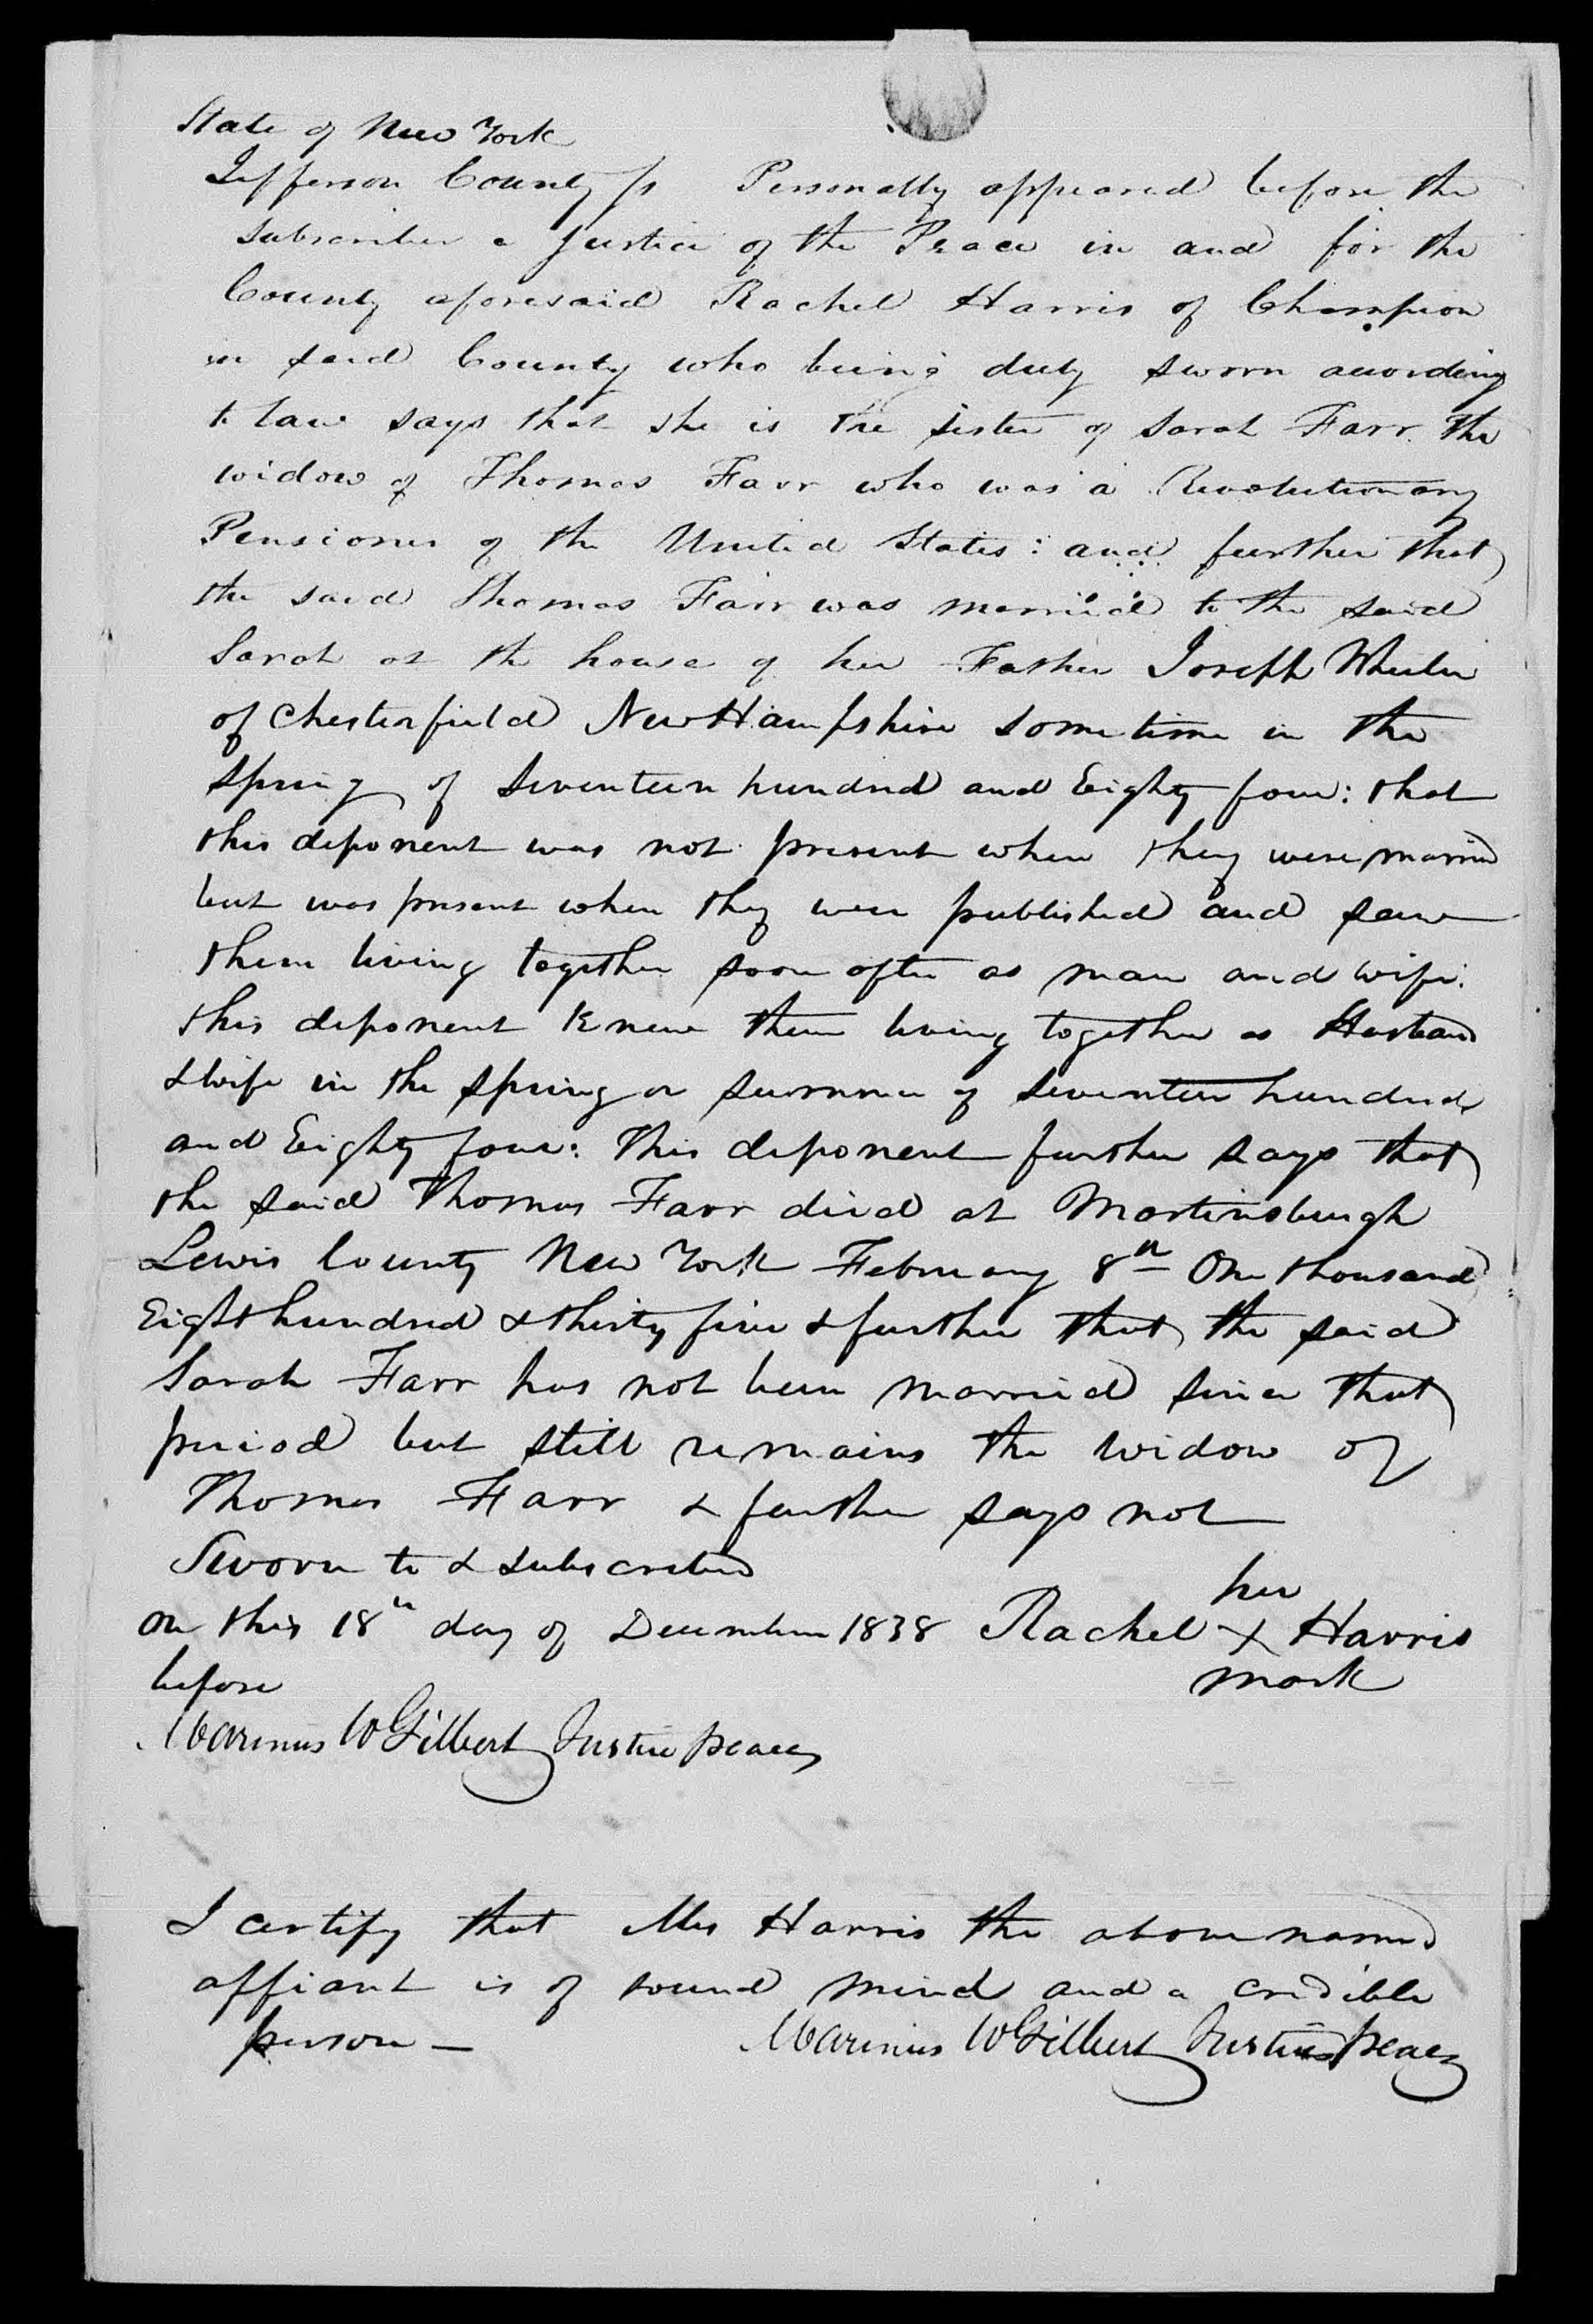State of New York
Jefferson County Ss   Personally appeared before the
subscriber a Justice of the Peace in and for the
County aforesaid Rachel Harris of Champion
in said County who being duly sworn according
to law says that she is the sister of Sarah Farr the
widow of Thomas Farr who was a Revolutionary
Pensioner of the United States and further that
the said Thomas Fair was married to the said
Sarah at the house of her Father Joseph Wheeler
of Chesterfield New Hampshire sometime in the
spring of Seventeen hundred and Eighty four; that
this deponent was not present when they were married
but was present when they were published and saw
them living together soon after as man and wife.
This deponent knew them living together as Husband
& wife in the spring or summer of seventeen hundred
and Eighty four. This deponent further says that
the said Thomas Farr died at Martinsburgh
Lewis County New York February 8th one thousand
Eight hundred & thirty five & further that the said
Sarah Farr has not been married since that
period but still remains the widow of
Thomas Farr & further says not
Sworn to & subscribed     her
on this 18th day of December 1838  Rachel X Harris before      mark
Marinus W Gilbert Justice Peace 


I certify that Mr Harris the above named
affiant is of sound mind and a credible
person_
Marinus W Gilbert Justice Peace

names: Thomas Farr, Rachel Harris, Joseph Wheeler, Marinus W Gilbert, Sarah, Thomas Farr, Thomas Farr, Rachel Harris, Sarah Farr, Sarah Farr, Thomas Farr, Marinus W Gilbert, Harris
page: 15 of 46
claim: widow's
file: W. 23022, Thomas Farr, N.H.